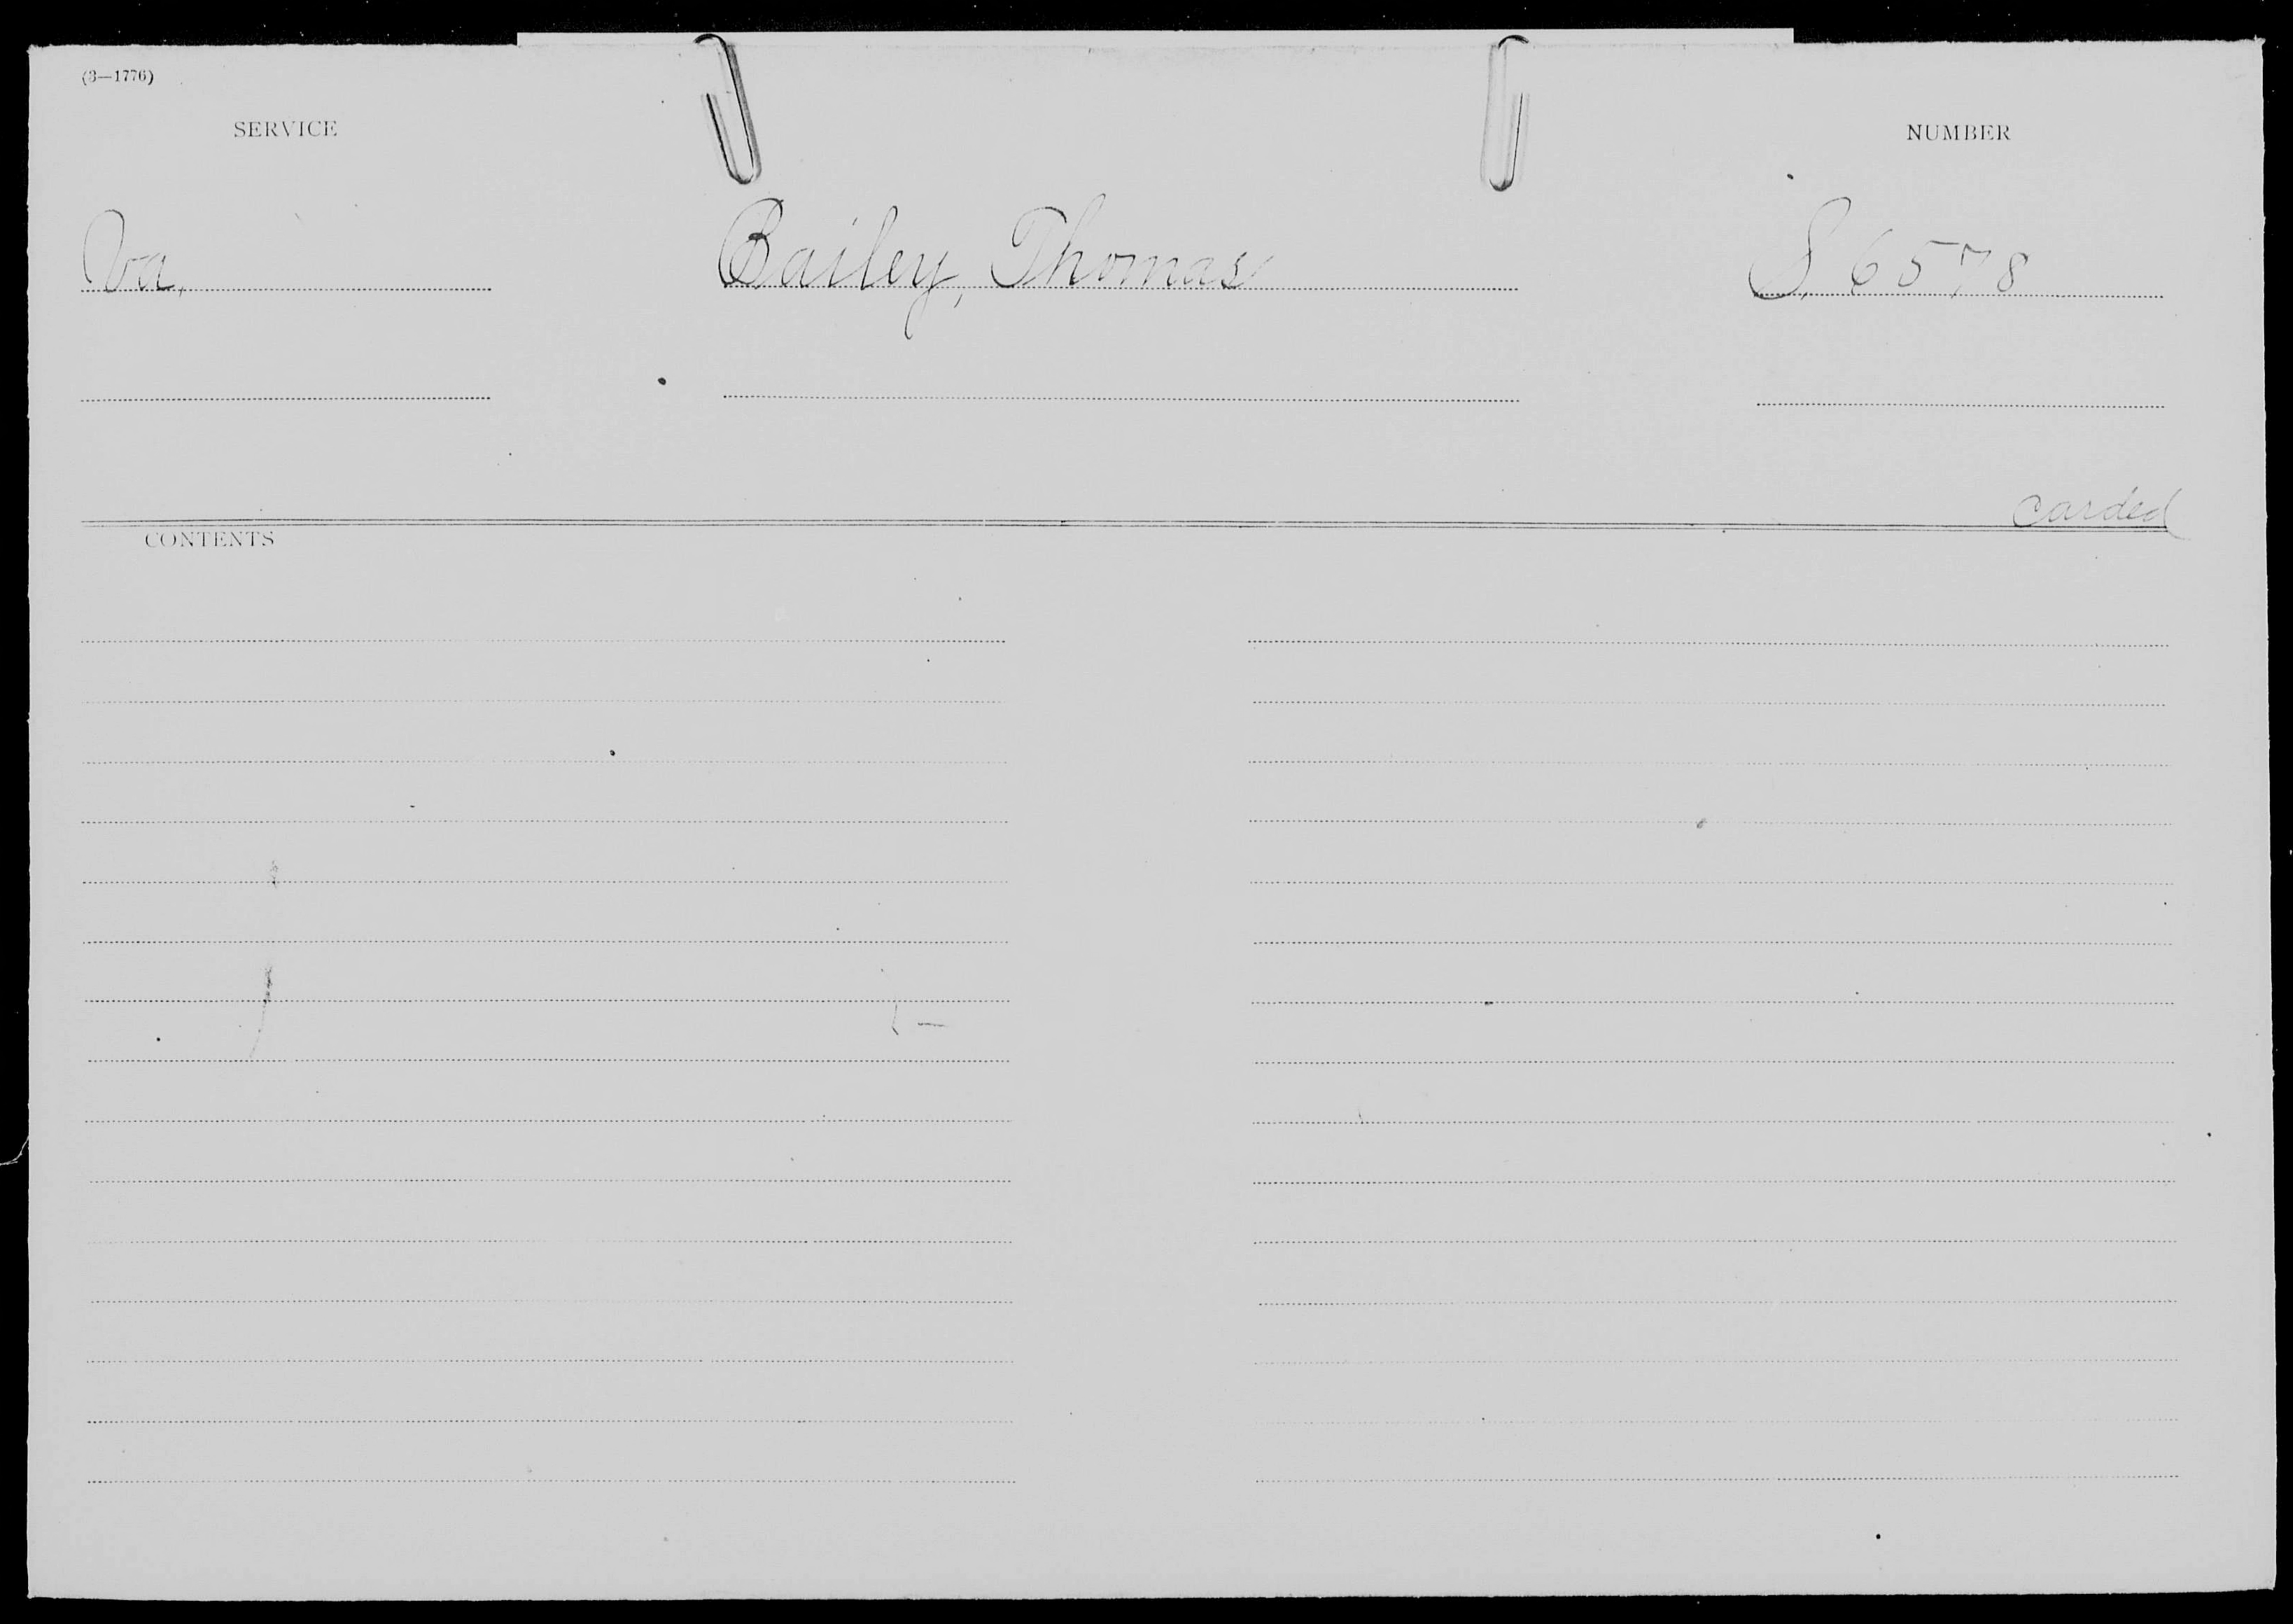(3-1776)
SERVICE                         NUMBER
Va.            Bailey, Thomas       S 6578

carded

CONTENTS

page: 1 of 18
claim: survivor's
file: S. 6578, Thomas Bailey, Va.